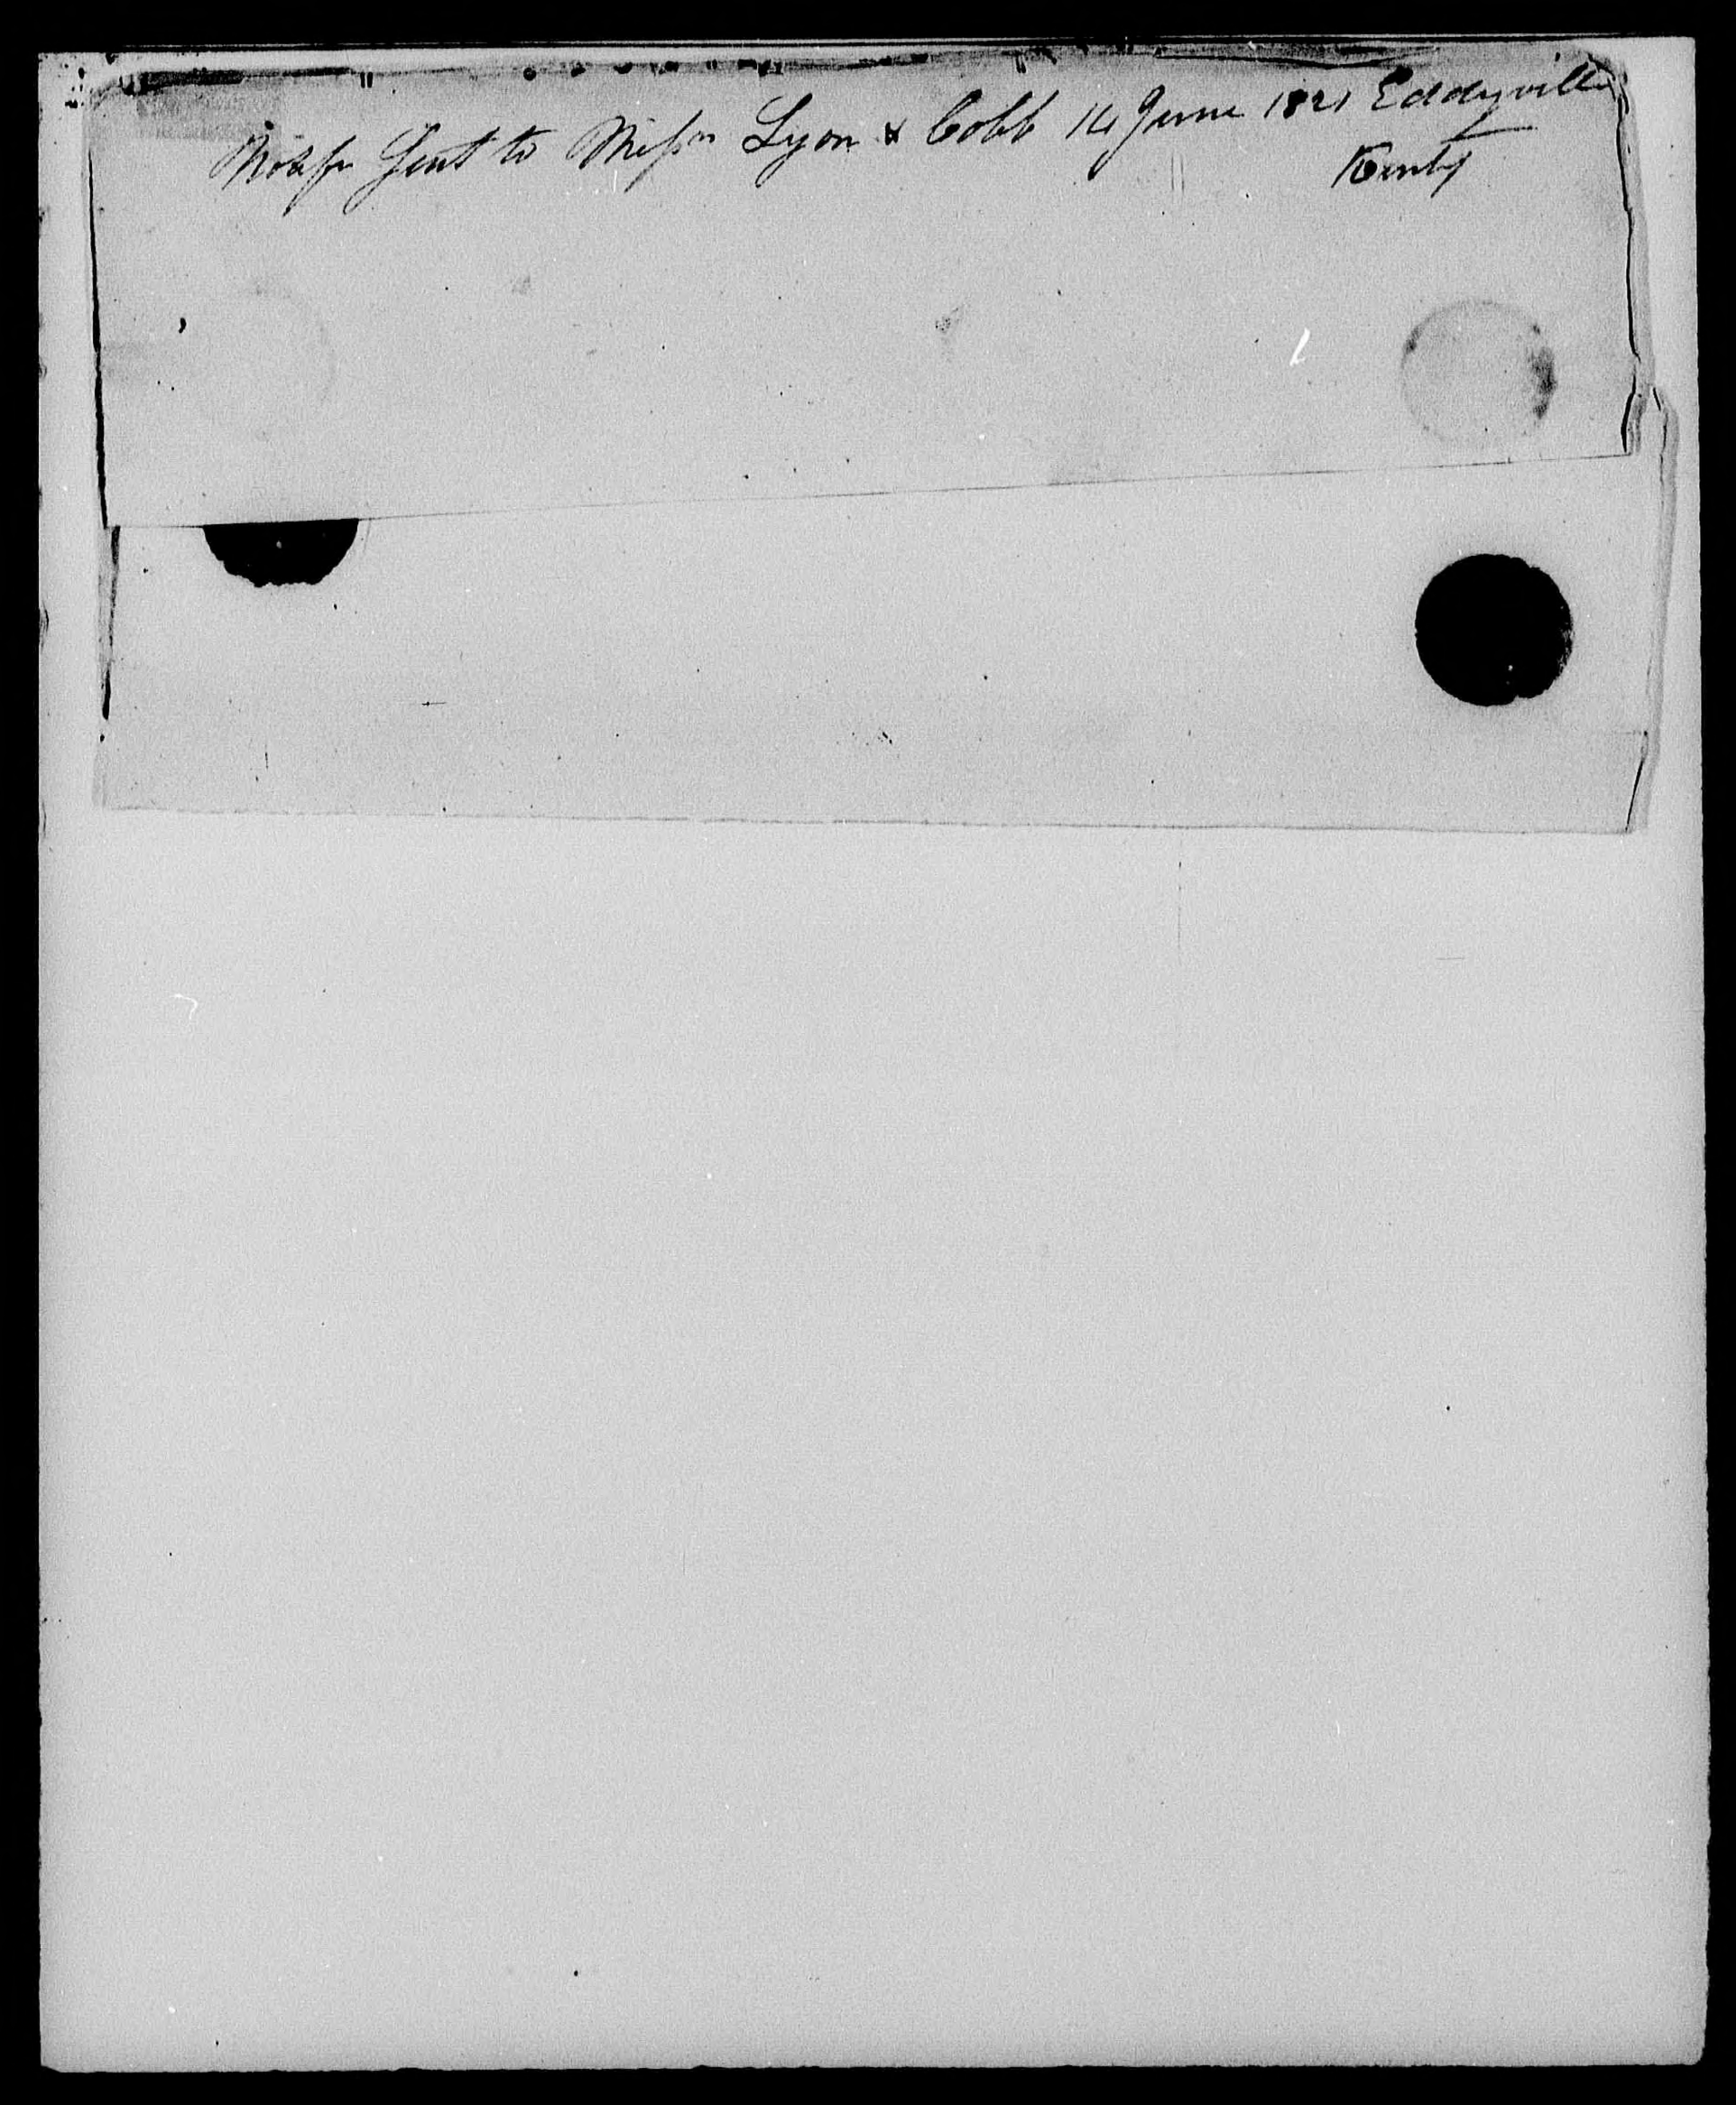[Illegible] to [illegible] Lyon & Cobb 14 June 1821.    Eddyville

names: Cobb, Lyon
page: 3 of 51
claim: widow's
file: W. 27,409, William Dunnington, Md.